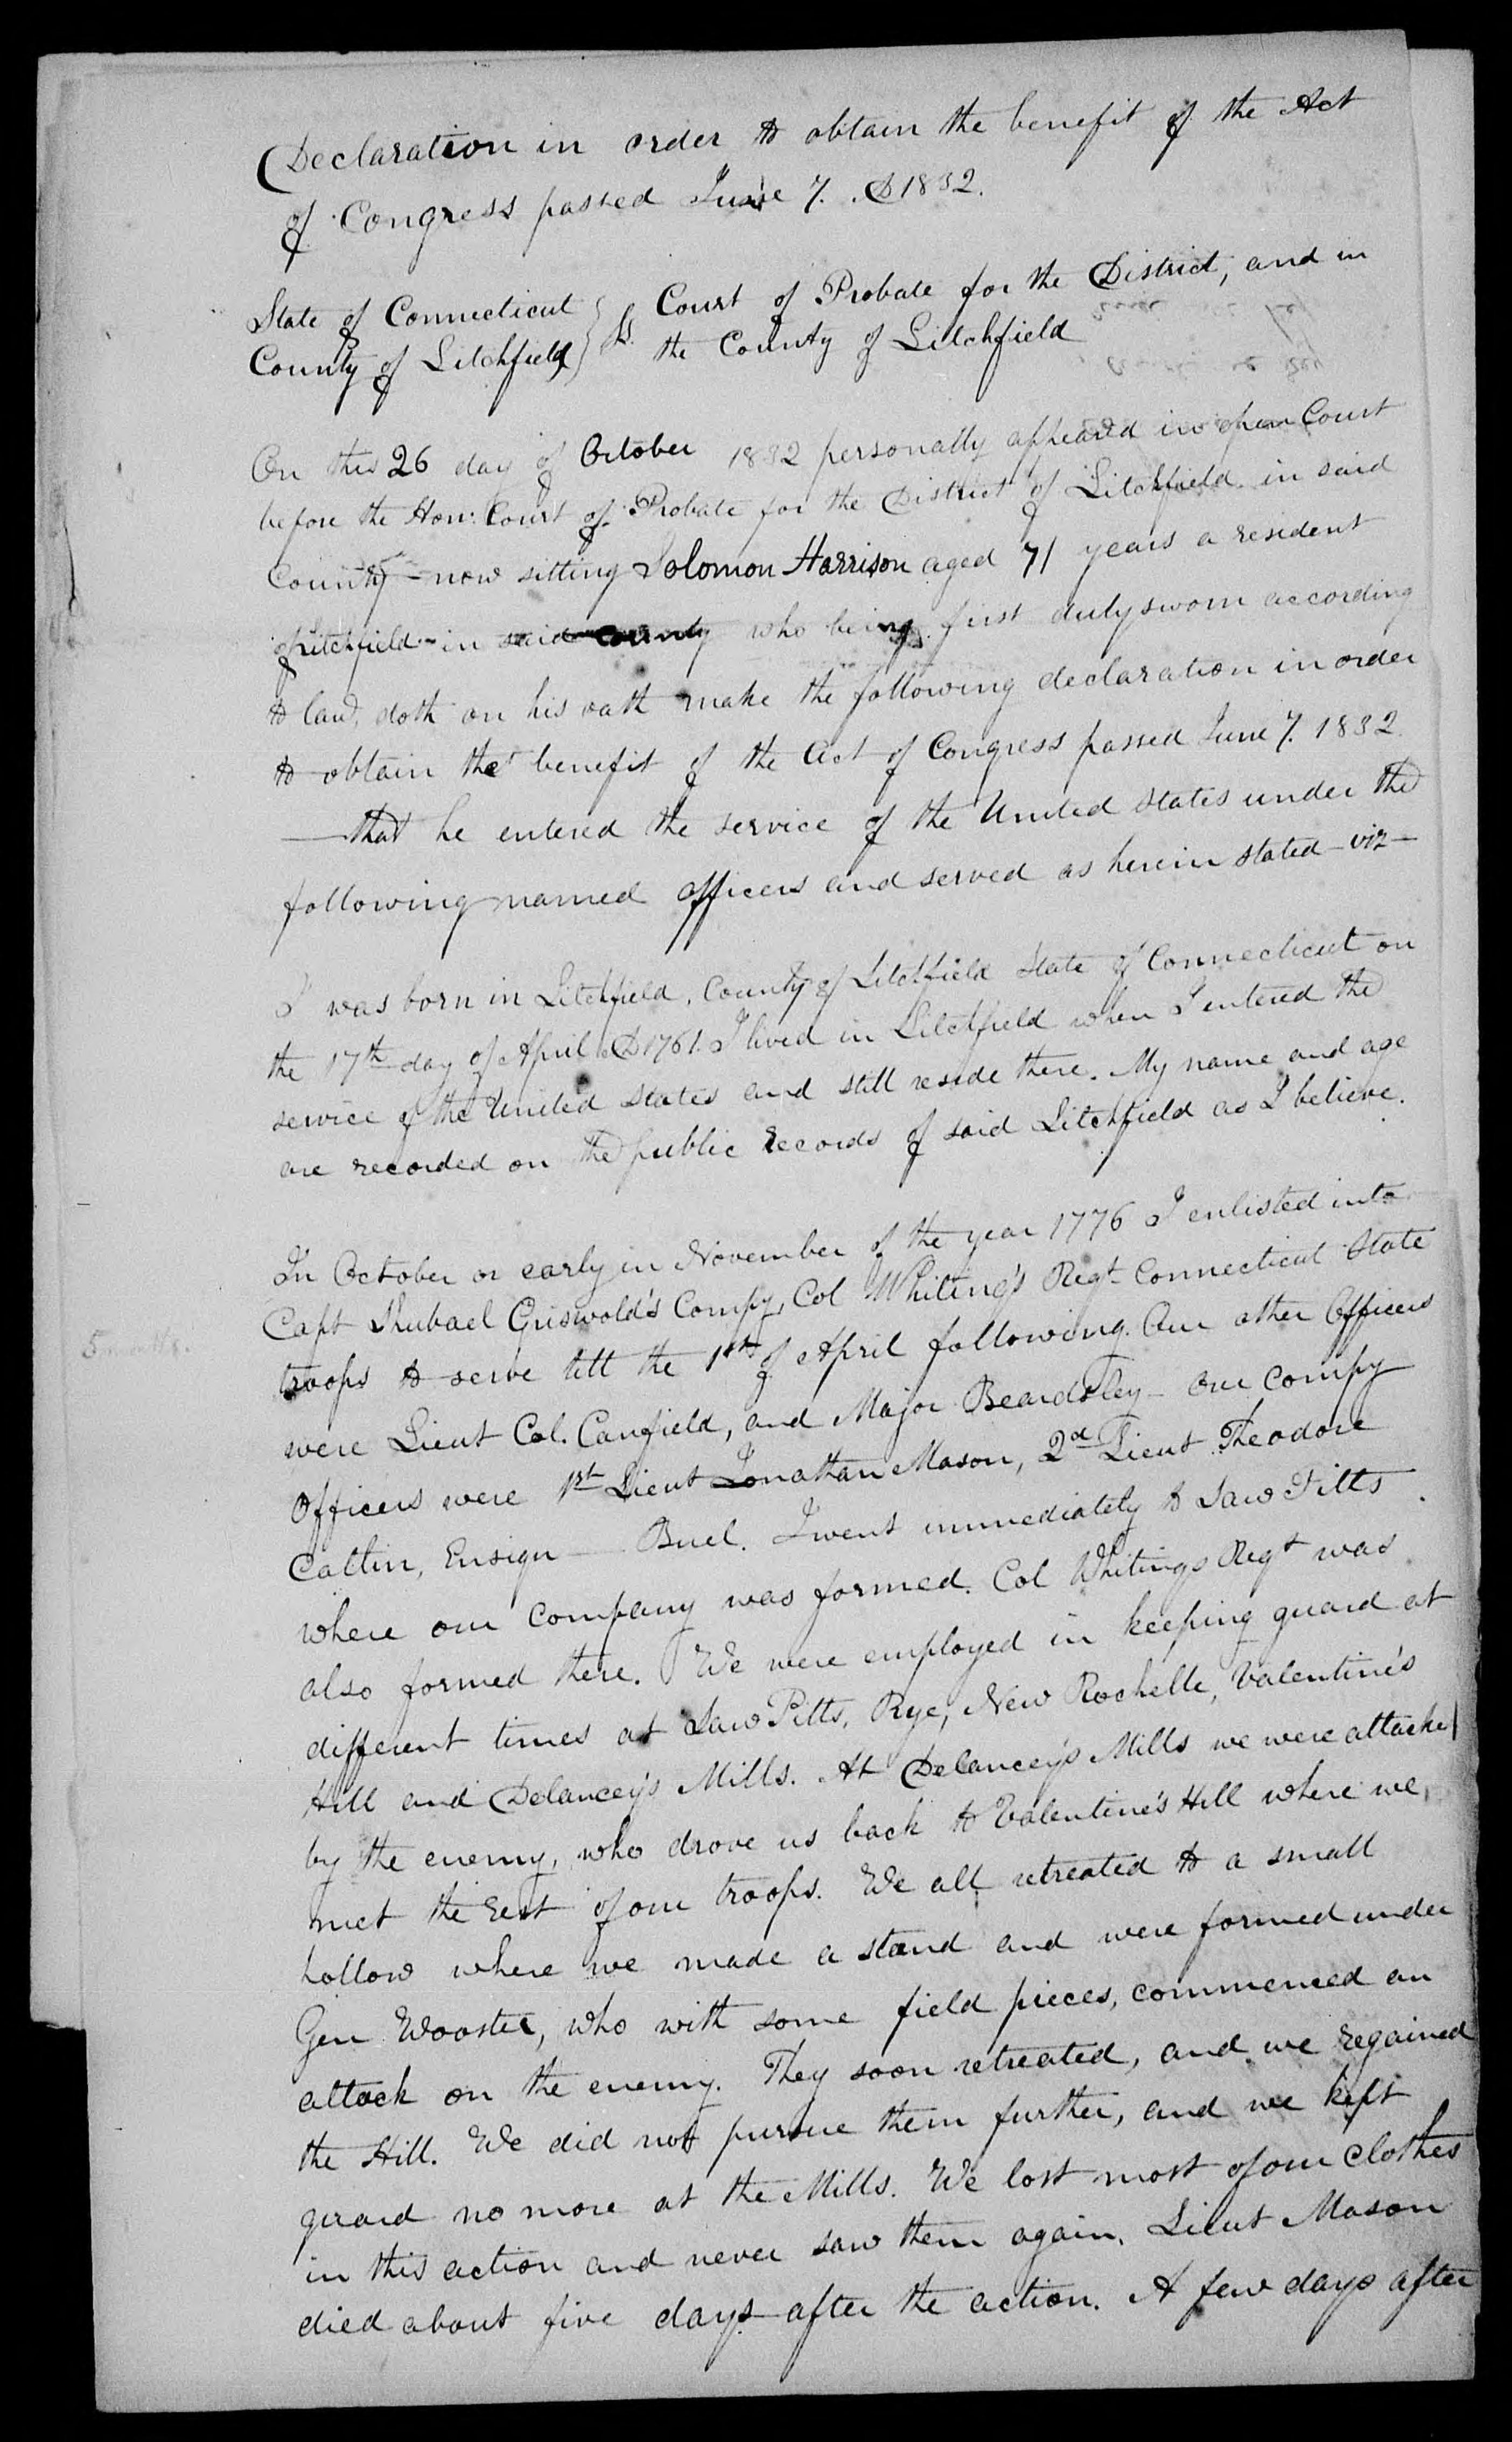Declaration in order to obtain the benefit of the Act of Congress passed June 7, 1832.
State of Connecticut, County of Litchfield, Court of Probate for the District in the County of Litchfield.
 
On this 26 day of October 1832 personally appeared in open court before the Hon. Court of Probate for the District of Litchfield in said county now sitting Solomon Harrison aged 71 years a resident of Litchfield in said County who being first duly sworn according to law doth on his oath make the following declaration in order to obtain the benefit of the Act of Congress passed June 7, 1832.
 That he entered the service of the United States under the following named officers and service as herein stated vis —

I was born in Litchfield, County of Litchfield, State of Connecticut on the 17th day of April in 1761. I lived in Litchfield when I entered the service of the United States and still reside there. My name and age are recorded on the public records of said Litchfield as I believe.
 
In October or early in November of the year 1776 I enlisted into Capt. Shubael Griswold's Company, Col. Whiting's Regt. Connecticut state troops to serve till the 1st of April following. Our other officers were Lieut Col Canfield and Major Beardsley. Our company officers were 1st Lieut Jonathan Mason, 2nd Lieut Theodore Catlin, Ensign ___ Buel. I went immediately to Saw Pitts where our company was formed. Col. Whiting's Regt was also formed there. We were employed in keeping guard at different times at Saw Pitts, Rye, New Rochelle, Valentine's Hill and Delancey's Mills. At Delancey's Mills we were attacked by the enemy, who drove us back to Valentine's Hill where we met the rest of our troops. We all retreated to  a small hollow where we made a stand and were formed under Gen. Wooster, who with some field pieces commended an attack on the enemy. They soon retreated, and we regained the Hill. We did not pursue them further, and we kept guard no more at the Mills. We lost most of our clothes in this action and never saw them again. Lieut Mason died about five days after the action. A few days after this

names: Beardsley, Canfield, Wooster, Theodore Catlin, Jonathan Mason, Mason, Solomon Harrison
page: 3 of 22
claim: survivor's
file: S. 16137, Solomon Harrison, Conn.